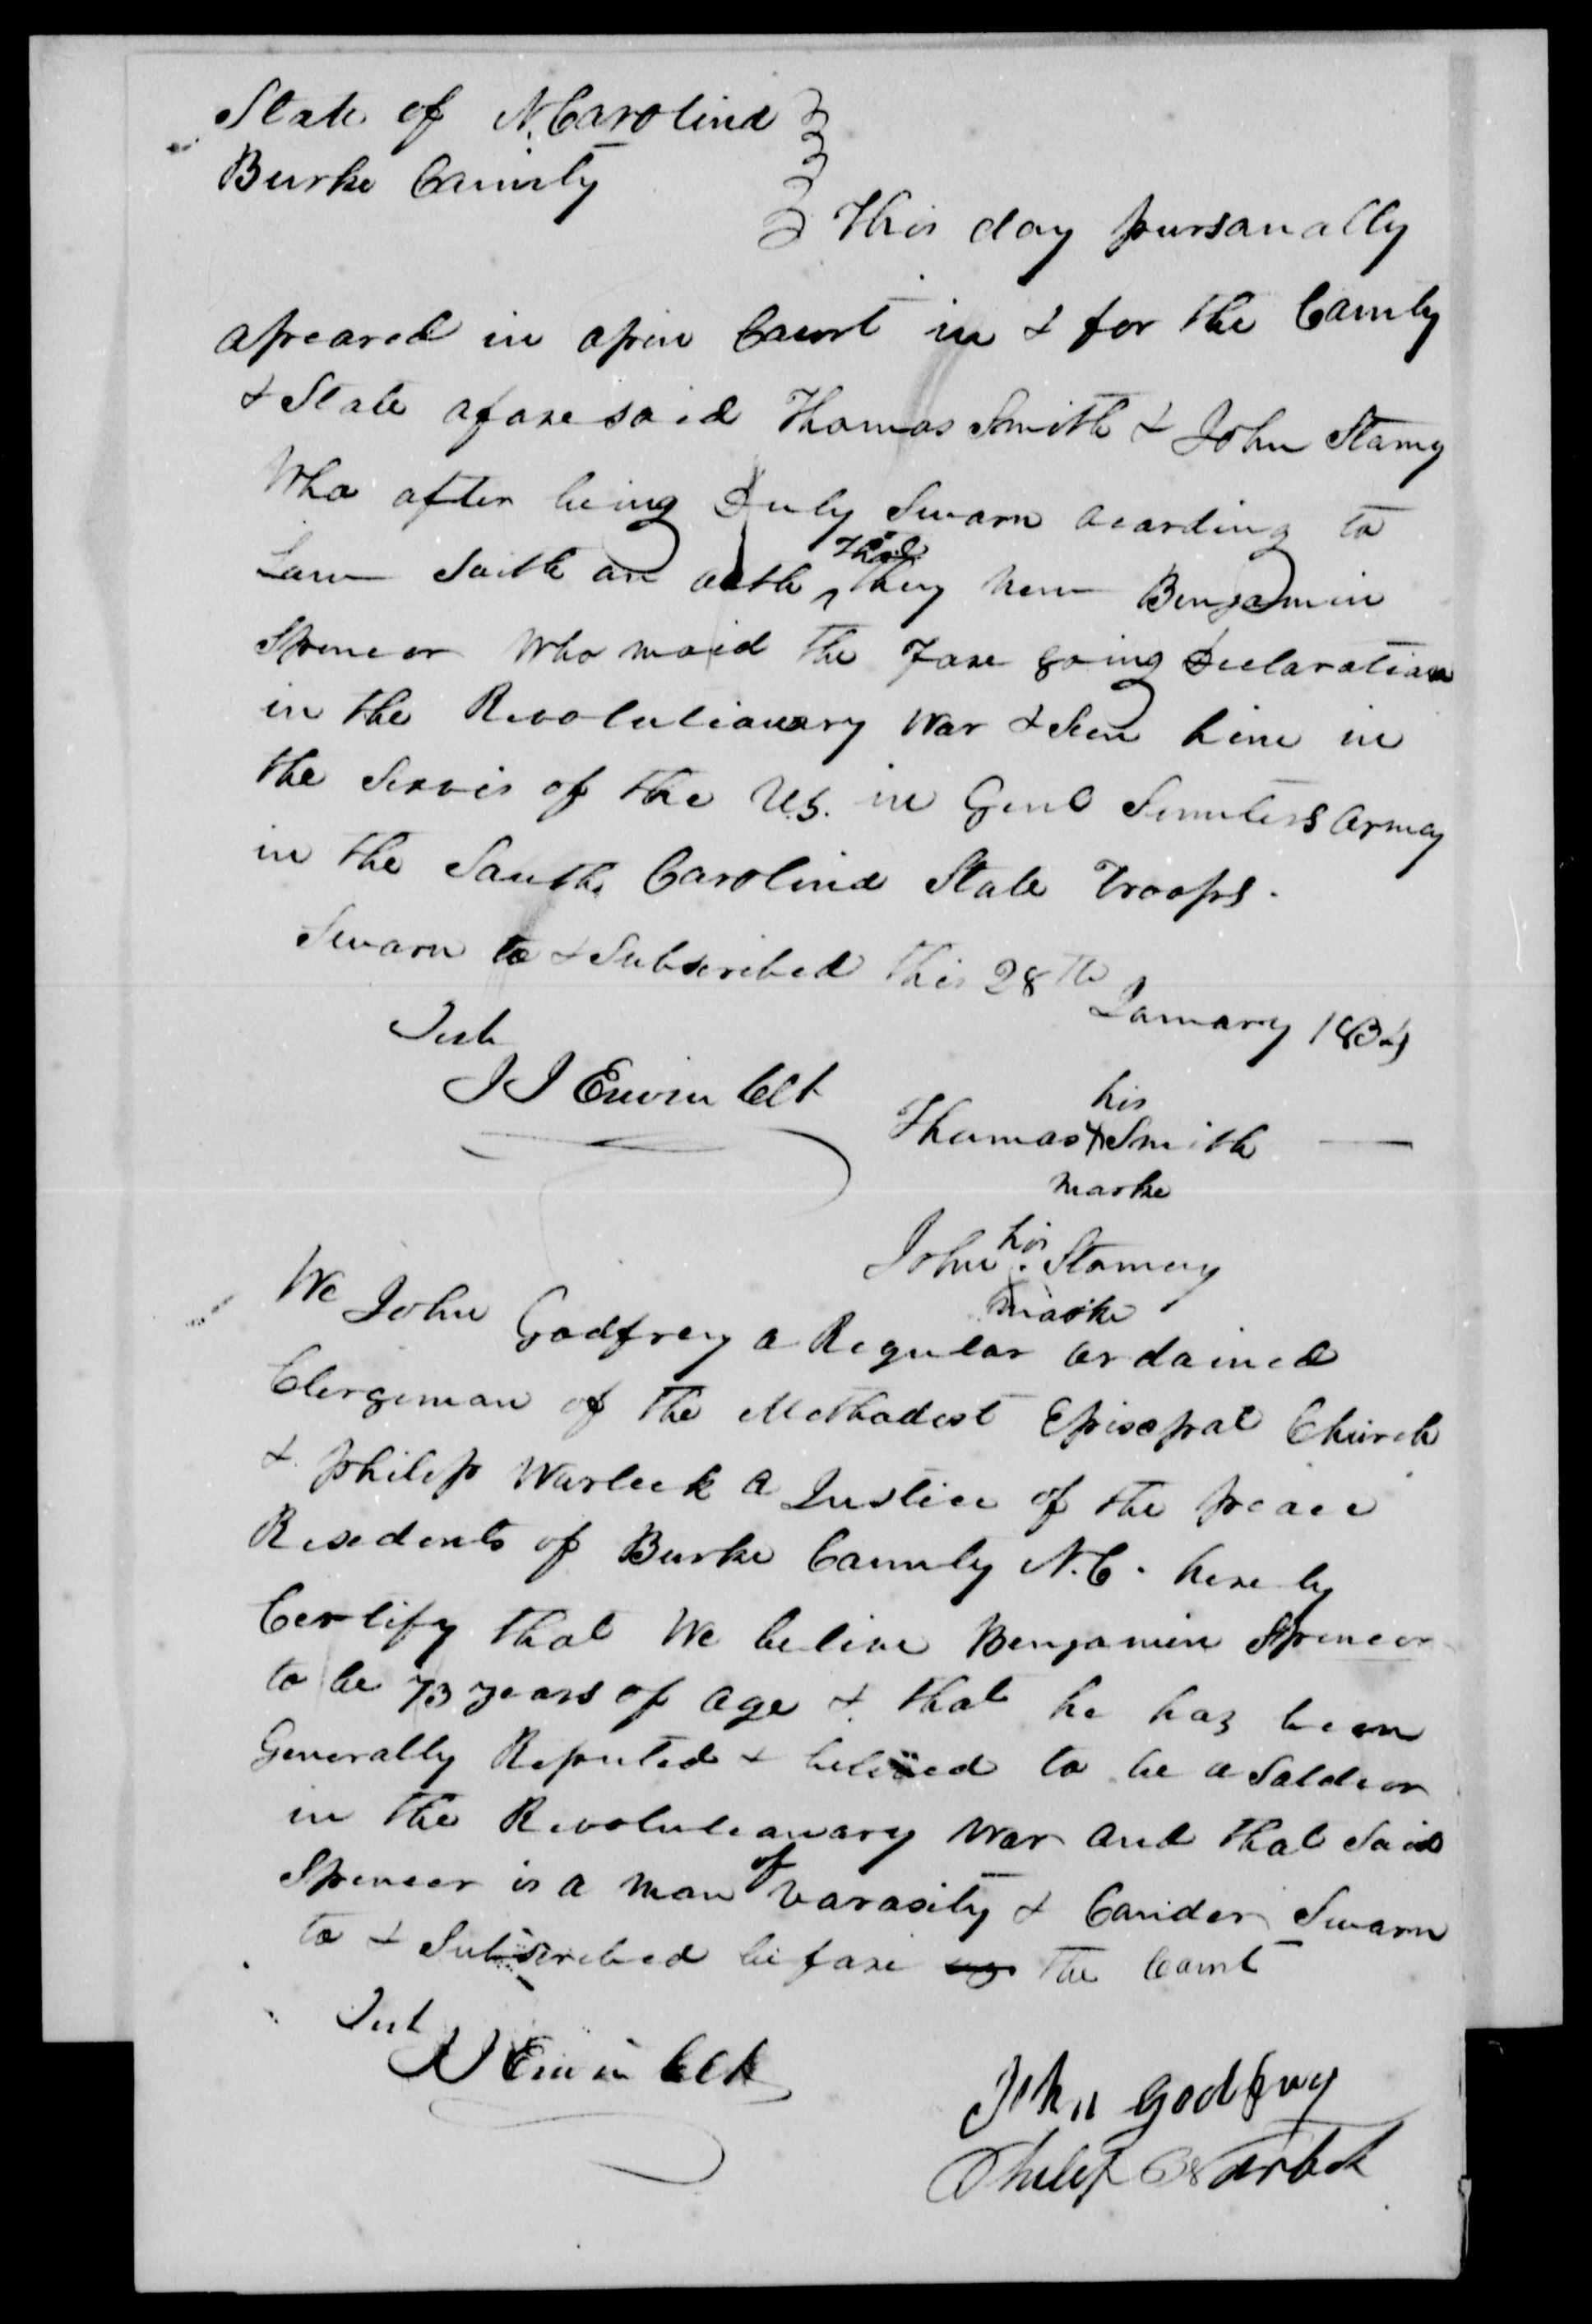State of N. Carolina
Burke County
This day personally
appeared in open Court in & for the County
& State aforesaid Thomas Smith & John Stamy
who after being duly sworn according to
Law saith on oath that they know Benjamin
Spencer who made the foregoing declaration
in the Revolutionary War & seen him in
the service of the US in Genl Sumpter's army
in the South Carolina State troops
Sworn to & Subscribed this 28th January 1834
[illegible]
J J Erwin Clk

his
Thomas Smith
mark
John Stamery
his mark

We John Godfrey a Regular ordained
Clergyman of the Methodist Episcopal Church
& Philip Warlick a Justice of the peace
Residents of Burke County N.C. hereby
Certify that we believe Benjamin Spencer
to be 73 years of age & that he has been
Generally reputed & believed to be a soldier
in the Revolutionary war and that said
Spencer is a man of veracity & [illegible] Sworn
to subscribed before in the Court
[illegible]
J J Erwin Clk.
John Godfrey
Philip Warlick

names: J J Erwin; Philip Warleck; Thomas Smith; John Stamy; John Godfrey; [BLANK] Spencer; Benjamin Spencer; Benjamin Spencer; J J Erwin; Thomas Smith; Philip Warlick; John Stamery; John Godfrey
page: 11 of 63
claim: widow's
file: W. 6158, for Benjamin Spencer, North Carolina